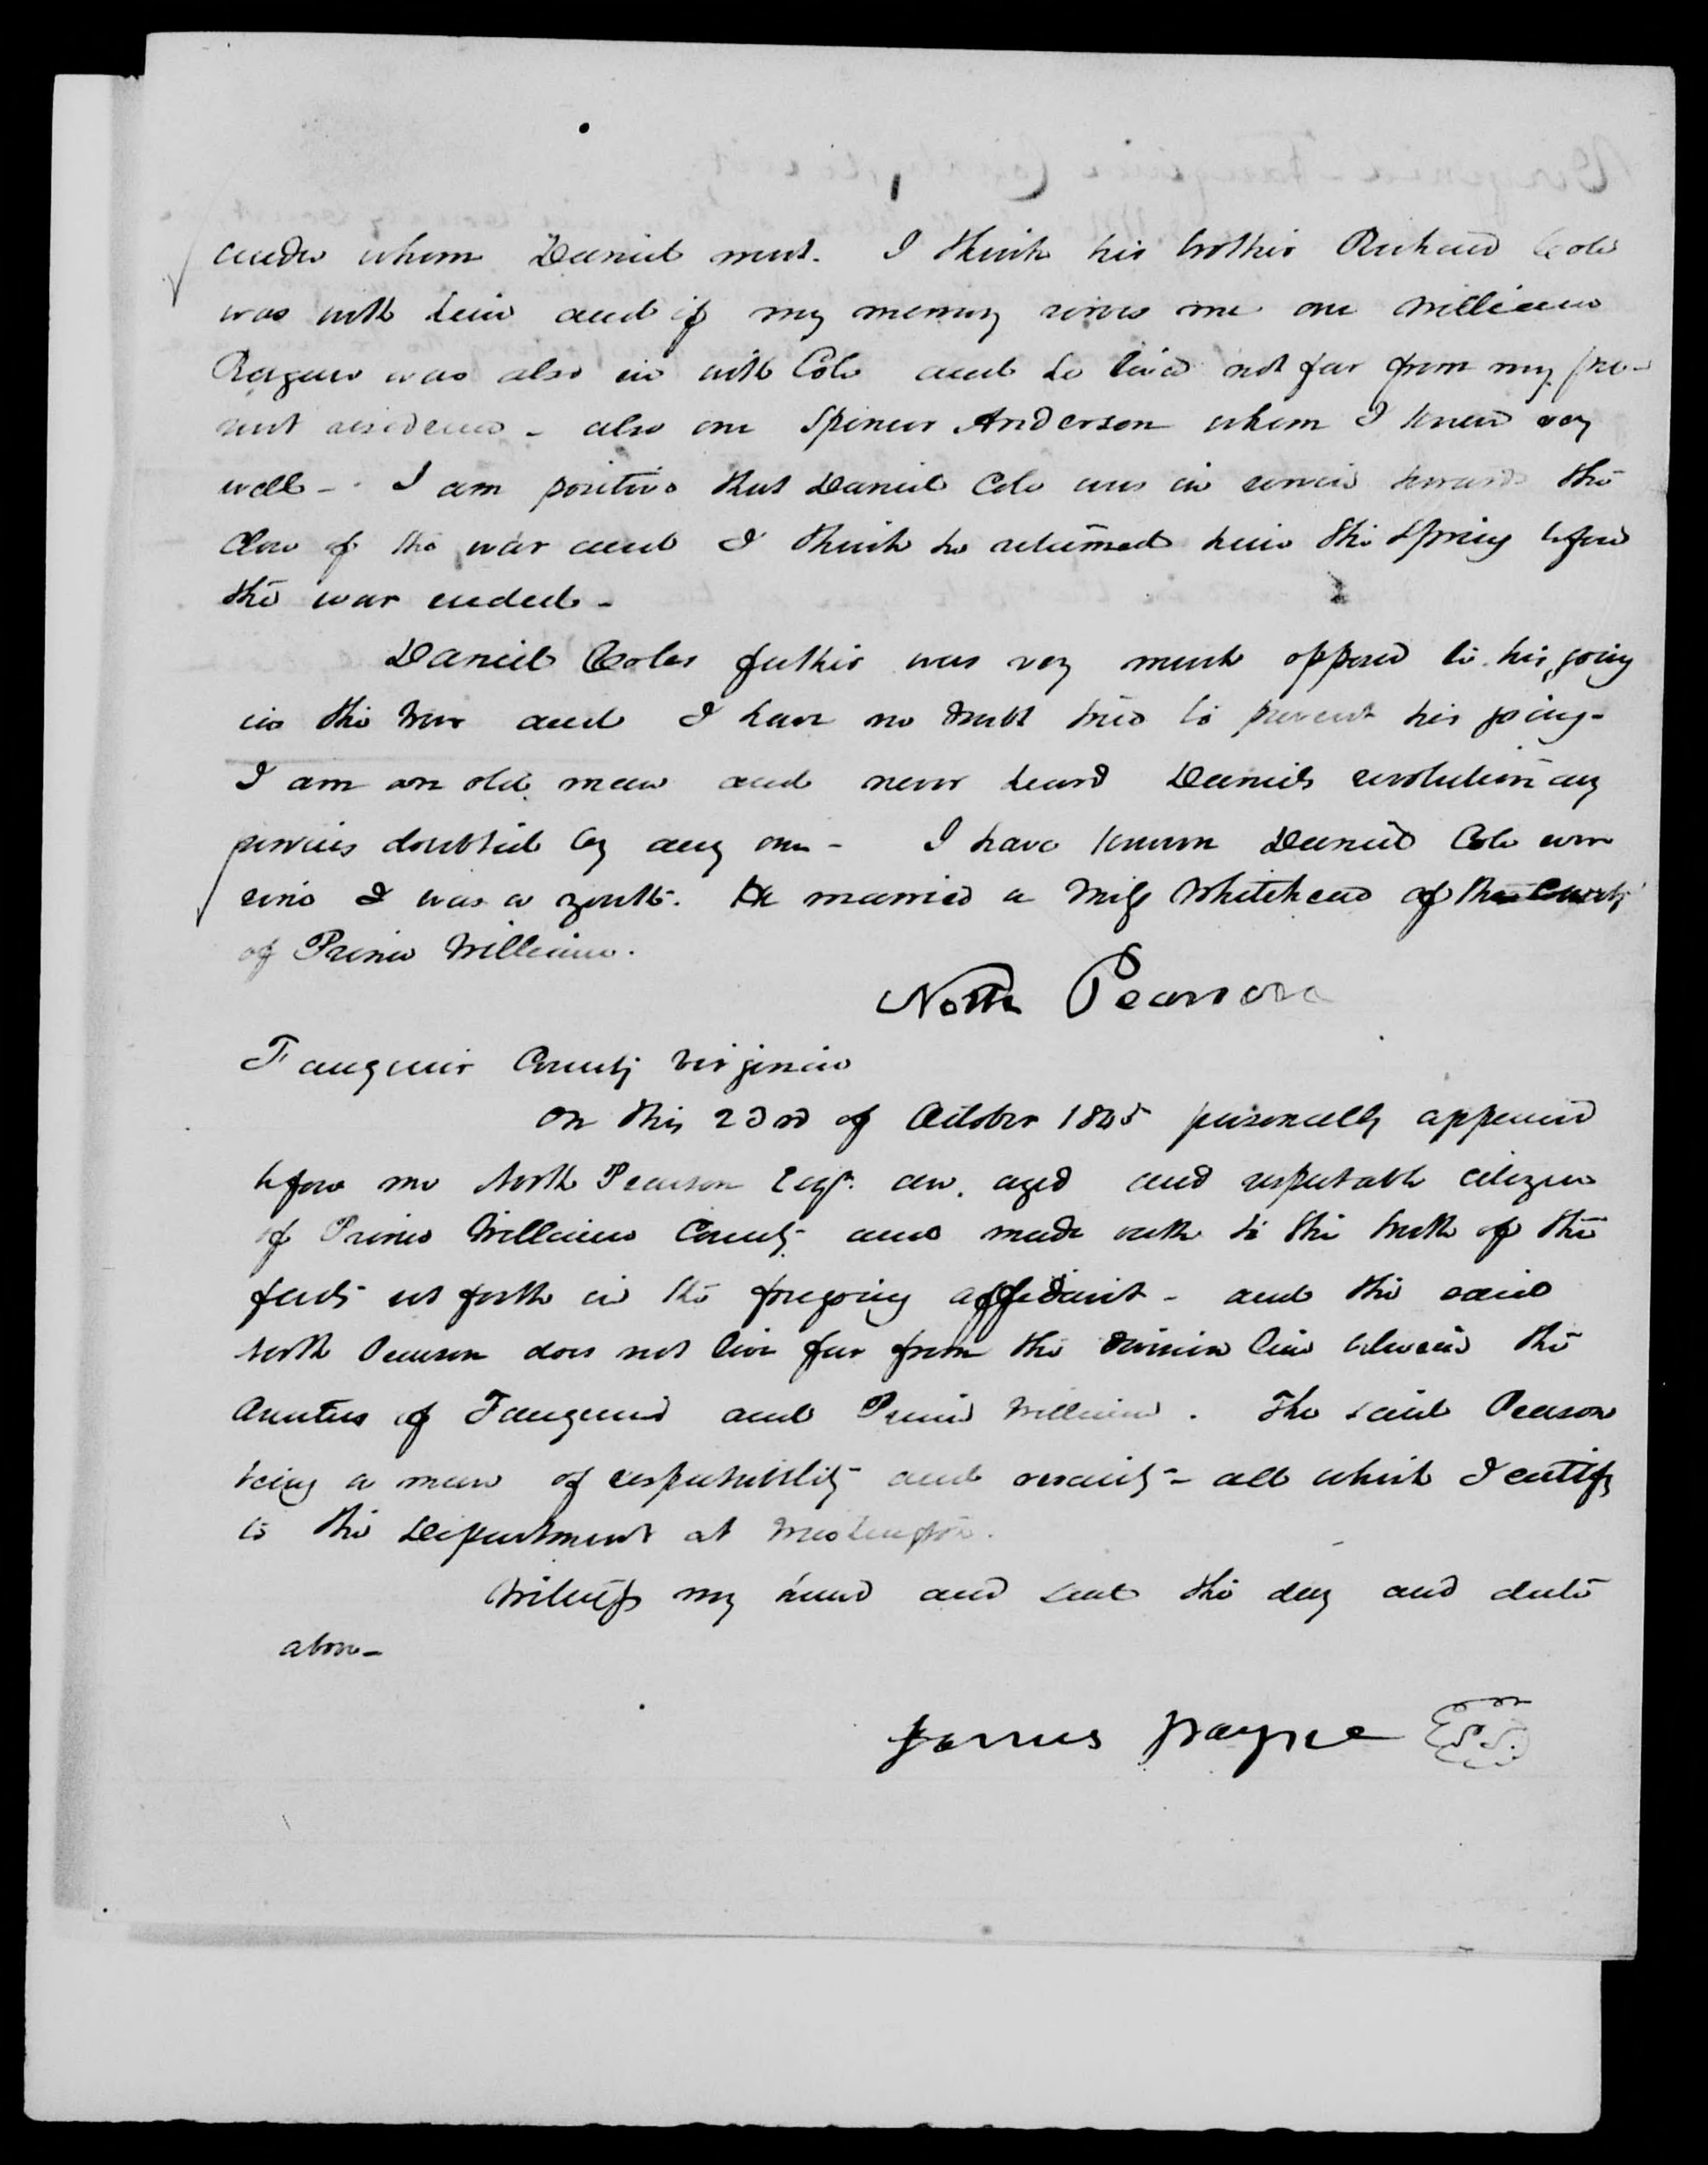under whom Daniel xxx I think his brother Richard Cole was with him and if my memory serves me one William Ragan was also in with Cole and he lived not far from my from [illegible] residence -  also one Spencer Anderson whom I knew very well-- I am positive thus Daniel Cole was in service towards the close of the war and I think he returned here the spring before the war ended
Daniel Coles father was very much opposed to his going in the war and I have no doubt tried to prevent his going - I am an old man and never heard Daniels revolutionary services doubted by any man - I have know Daniel Cole ever since I was a youth. He married a Miss Whitehead of the county of Prince William
North Pearson

Fauquier County Virginia
On this 23rd of October 1845 personally appeared before me North Pearson Esq an aged and respectable citizen of Prince Williams County and made oath to the truth of the facts [illegible] forth in the foregoing affidavit and this said North Person does not live far from the division line between the
Counties of Fauquier and Prince William. The said Pearson being a man of respectability and veracity all which I certify is the Department at Washington
Witness my hand and seal the day and date
James Payne [seal]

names: James Payne, Cole, North Pearson, Daniel, Daniel Cole, Richard Cole, Daniel, Pearson, William Ragan, North Pearson, Daniel Coles, North Pearson, Spencer Anderson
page: 51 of 61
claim: survivor's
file: S. 8236, Daniel Cole, Va.